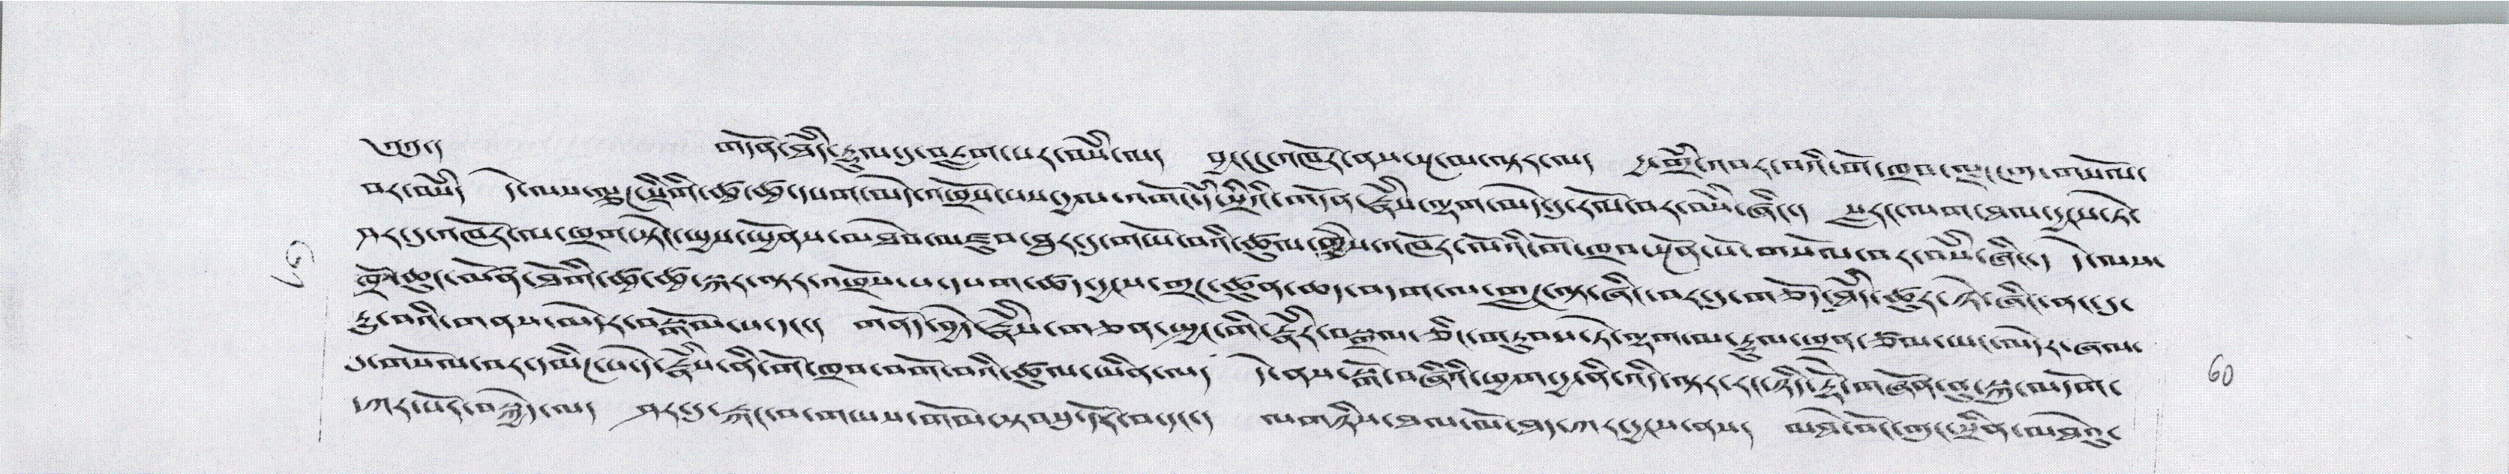གདོན་ཐམས་ཅད་རྡུལ་དུ་བརླག་པར་བསམ་ལ། བྱང་དུ་འཁོར་ནས་སྔ་མ་ལྟར་ལ། རྒྱ་གྲམ་འབར་བའི་གོ་ཁྲབ་ལྗང་གུ་གསོལ་
བར་བསམ། དེ་ལས་ལྕགས་སྡིག་གི་ཚྭ་ཚྭ་དཔག་མེད་འཕྲོས་པས་རྒྱལ་འགོང་དམ་སྲིའི་གདོན་རྣམས་ལྷག་མེད་དུ་རོལ་པར་བསམ་ཞིང་། སླར་ཡང་ལག་ཐལ་རྒྱངས་ཏེ་
ཤར་དུ་འཁོར་ལ་ཕྲག་སྟེང་གཡས་གཡོན་ནས་མཐེབ་མཛུབ་ཐུར་དུ་གཡོ་བའི་ཚུལ་གྱིས་འཁོར་ལོའི་གོ་ཁྲབ་སྔོན་པོ་གསོལ་བར་བསམ་ཞིང་། དེ་ལས་
ཁྲོ་ཆུང་མཚོན་ཐོག་གི་ཚྭ་ཚྭ་དཔག་མེད་འཕྲོས་པས་དཔག་ཚད་རྒྱང་གྲགས་ཚུན་ཆད་བདག་ལ་གླགས་ལྟ་ཞིང་བར་དུ་གཅོད་པ་ཐམས་ཅད་ཚུར་ཉེ་ཞིང་ནང་དུ
རྒྱུ་བའི་གནས་མེད་པར་བསྒོམ་པ་དང་། གནོད་བྱེད་རྣམས་གཅན་སྤྱང་གི་རྣམ་པར་བསྒྲལ་ཅིང་གཏུབས་ཏེ་ལྷག་མ་རྡུལ་ཕྲན་ཙམ་ཡང་མེད་པར་ཞལ་
དུ་གསོལ་བར་དམིགས་པ་དེ་རྣམས་ནི་གོ་ཁྲབ་བགོ་བའི་ཚུལ་ཡིན་ལ། དེ་ནས་སྒོ་བཞིའི་ཕྱག་རྒྱ་ནི་འདི་ལྟར། རང་ཉིད་རྡོ་རྗེ་གཞོན་ནུ་སྐུ་མདོག་
དཀར་པོར་བསྐྱེད་ལ། ཤར་དུ་རྐང་པ་གཡས་གོམ་སྟབས་སུ་དོར་བ་དང་། ལག་གཉིས་ཐལ་མོ་ཐད་ཀར་རྒྱངས་ནས། མཐེ་བོང་གུང་སྲིན་མཐེའུ་